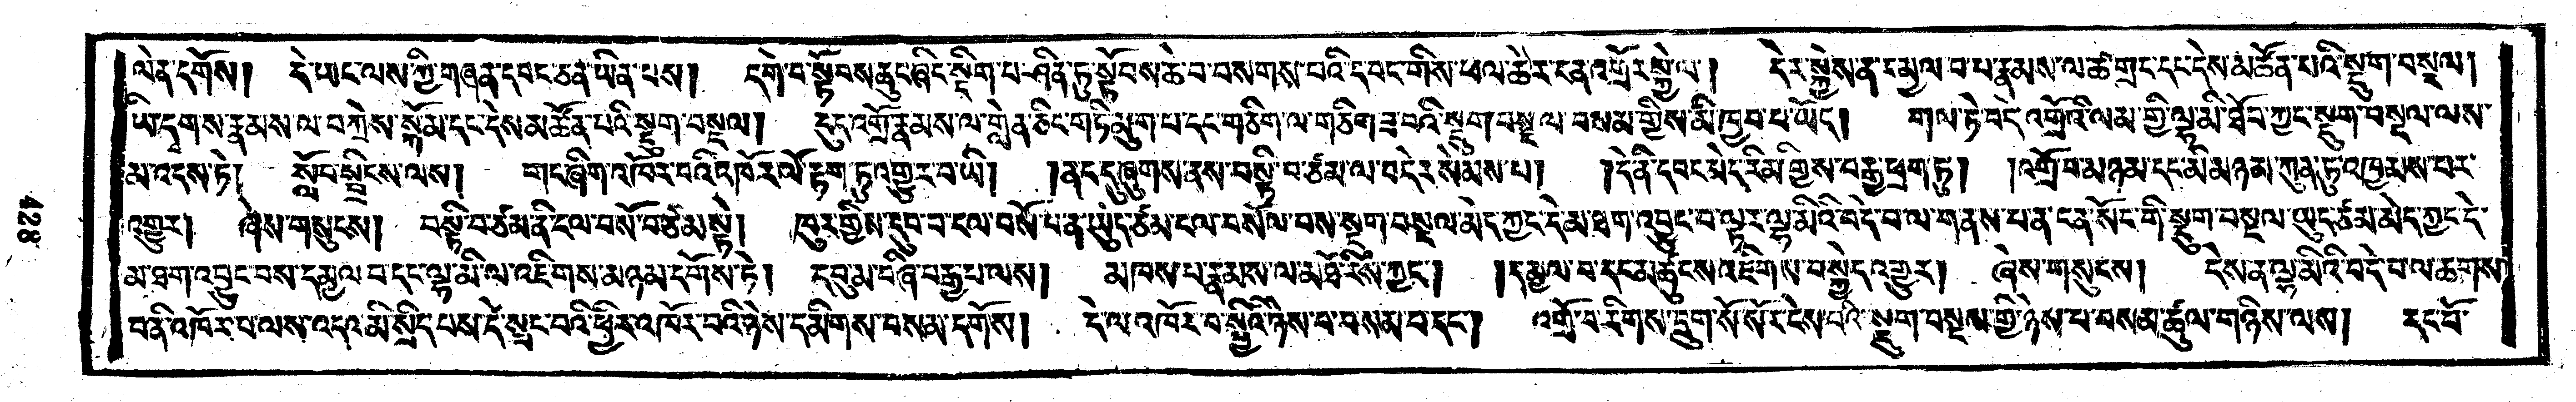ལེན་དགོས། དེ་ཡང་ལས་ཀྱི་གཞན་དབང་ཅན་ཡིན་པས། དགེ་བ་སྟོབས་ཆུང་ཞིང་སྡིག་པ་ཤིན་ཏུ་སྟོབས་ཆེ་བ་བསགས་པའི་དབང་གིས་ཕལ་ཆེར་ངན་འགྲོར་སྐྱེ་ལ། དེར་སྐྱེས་ན་དམྱལ་བ་པ་རྣམས་ལ་ཚ་གྲང་དང་དེས་མཚོན་པའི་སྡུག་བསྔལ།
ཡི་དྭགས་རྣམས་ལ་བཀྲེས་སྐོ་མ་དང་དེས་མཚོན་པའི་སྡུག་བསྔལ། དུད་འགྲོ་རྣམས་ལ་གླེན་ཅིང་གཏི་མུག་པ་དང་གཅིག་ལ་གཅིག་ཟ་བའི་སྡུག་བསྔལ་བསམ་གྱིས་མི་ཁྱབ་པ་ཡོད། གལ་ཏེ་བདེ་འགྲོའི་ལམ་གྱི་ལྷ་མི་ཐོབ་ཀྱང་སྡུག་བསྔལ་ལས་
མ་འདས་ཏེ། སློབ་སྦྲིངས་ལས། གང་ཞིག་འཁོར་བའི་འཁོར་ལོ་རྟག་ཏུ་འགྱུར་བ་ཡི། །ནང་དུ་ཞུགས་ནས་བསྟི་བ་ཙམ་ལ་བདེར་སེམས་པ། །དེ་ནི་དབང་མེད་རིམ་གྱིས་བརྒྱ་ཕྲག་ཏུ། །འགྲོ་བ་མཉམ་དང་མི་མཉམ་ཀུན་ཏུ་འཁྱམས་བར་
འགྱུར། ཞེས་གསུངས། བསྟི་བ་ཙམ་ནི་ངལ་བསོ་བཙམ་སྟེ། ཁུར་གྱིས་དུབ་བ་ངལ་བསོ་བ་ན་ཡུད་ཙམ་ངལ་བསོལ་བས་སྡུག་བསྔལ་མེད་ཀྱང་དེ་མ་ཐག་འབྱུང་བ་ལྟར་ལྷ་མིའི་བདེ་བ་ལ་གནས་པ་ན་ངན་སོང་གི་སྡུག་བསྔལ་ཡུད་ཙམ་མེད་ཀྱང་དེ་
མ་ཐག་འབྱུང་བས་དམྱལ་བ་དང་ལྷ་མི་ལ་འཇིགས་མཉམ་དགོས་ཏེ། དབུ་མ་བཞི་བརྒྱ་པ་ལས། མཁས་པ་རྣམས་ལ་མཐོ་རིས་ཀྱང་། །དམྱལ་བ་དང་མཚུངས་འཇིགས་བསྐྱེད་འགྱུར། ཞེས་གསུངས། དེས་ན་ལྷ་མིའི་བདེ་བ་ལ་ཆགས་
བ་ནི་འཁོར་བ་ལས་འདའ་མི་སྲིད་པས་དེ་སྤང་བའི་ཕྱིར་འཁོར་བའི་ཉེས་དམིགས་བསམ་དགོས། དེ་ལ་འཁོར་བ་སྤྱིའི་ཉེས་བ་བསམ་བ་དང་། འགྲོ་བ་རིགས་དྲུག་སོ་སོར་ངེས་པའི་སྡུག་བསྔས་ཀྱི་ཉེས་པ་བསམ་ཚུལ་གཉིས་ལས། དང་པོ་